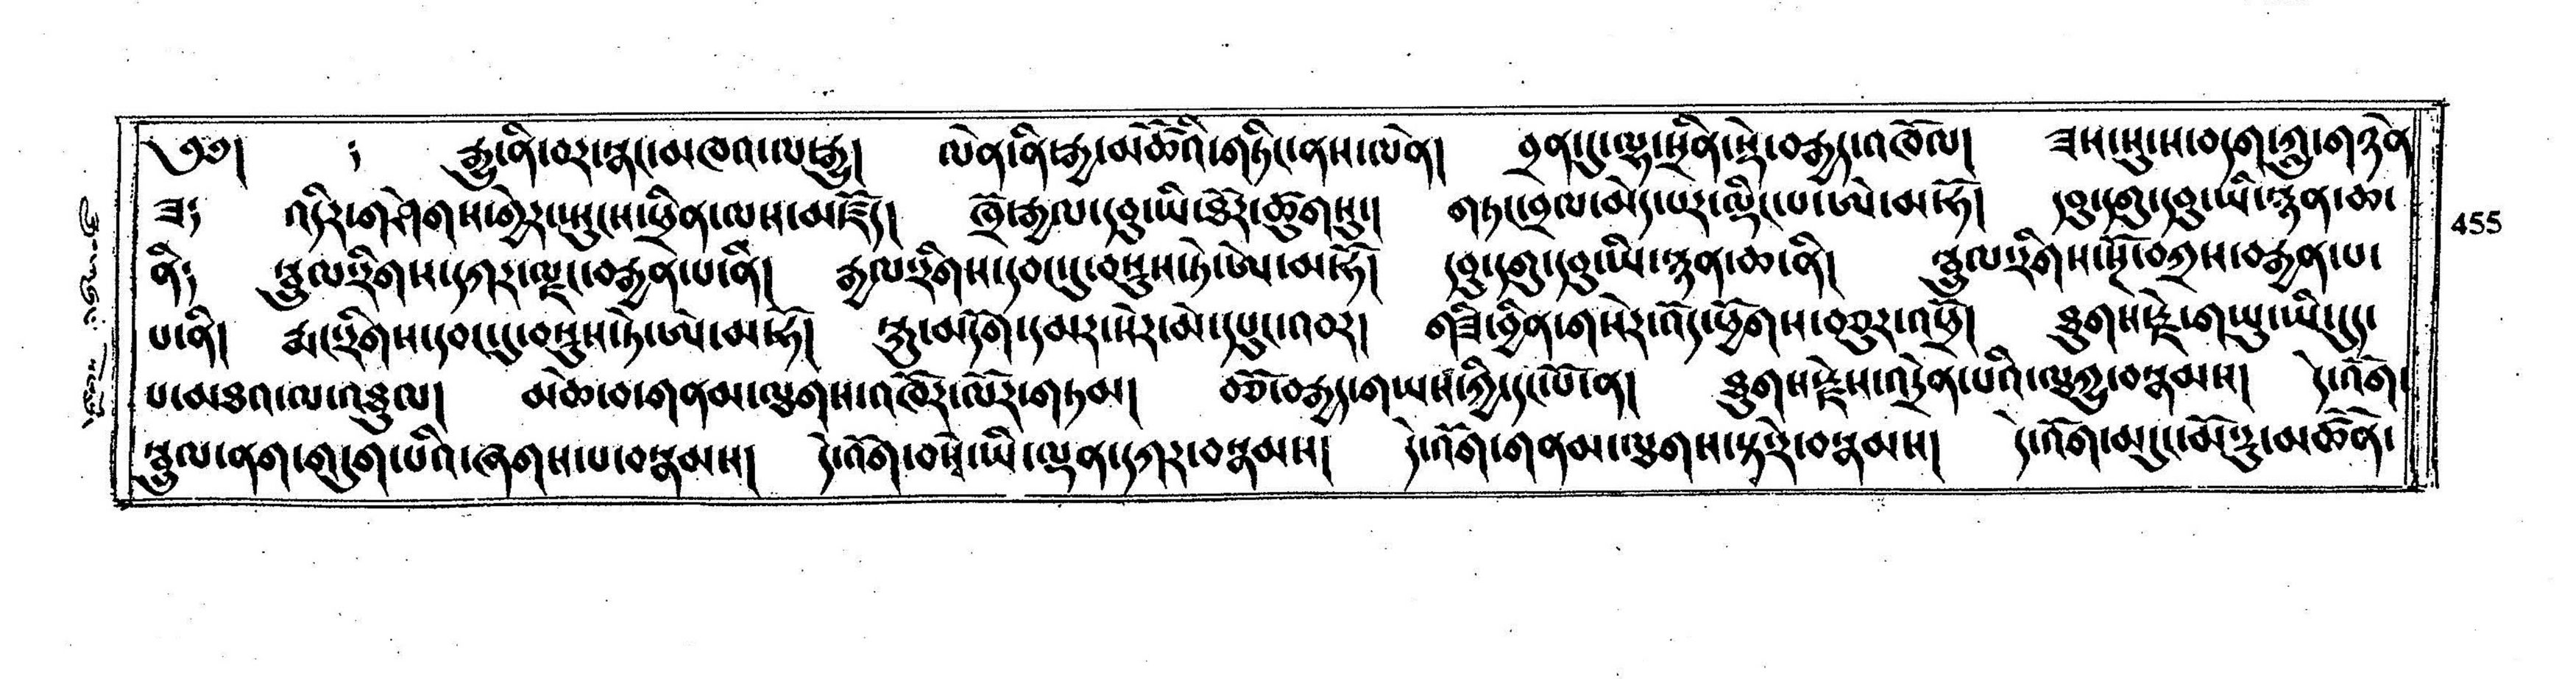རྒྱུ་ནི་བར་སྣང་མཁའ་{468}ལ་རྒྱུ། ལེན་ནི་རྒྱ་མཚོའི་གཏིང་ནས་ལེན། བྲན་དུ་ལྷ་སྲིན་སྡེ་བརྒྱད་འཁོལ། ཟས་སུ་ས་བདག་ཀླུ་གཉན་
ཟ། འདིར་གཤེགས་གྱེར་སྤུངས་ཕྲིན་ལས་མཛོད། ཁྲོ་རྒྱལ་དབུ་ཡི་ཐོར་ཚུགས་སུ། གཏང་བྲལ་མེད་པར་ལྡིང་པ་ཨེ་མ་ཧོ། དབུ་དགུ་དབུ་ཡི་སྙན་ཆ་
ནི། སྦྲུལ་རིགས་དཀར་ལྗང་བརྒྱན་པ་ནི། རྒྱལ་རིགས་དབང་དུ་བསྡུས་ཏེ་ཨེ་མ་ཧོ། དབུ་དགུ་དབུ་ཡི་སྙན་ཆ་ནི། སྦྲུལ་རིགས་སྔོ་བཀྲས་བརྒྱན་པ་
ནི། རྨང་རིགས་དབང་དུ་བསྡུས་ཏེ་ཨེ་མ་ཧོ། སྐུ་མདོག་དམར་སེར་མེ་དཔུང་འབར། གཟི་བྱིན་གསེར་འོད་ཕྱོགས་བཅུར་འཕྲོ། ཐུགས་རྗེ་གཡུ་ཡི་དུད་
པ་མཐའ་ལ་འཐུལ། མཆེ་བ་གནམ་ལྕགས་འཁོར་ལོར་གཏམ། བཅོ་བརྒྱད་གཡས་ཀྱི་དང་པོ་ན། ཐུགས་རྗེས་འདྲེན་པའི་ལྕགས་ཀྱུ་བསྣམས། དེ་འོག་
སྦྲུལ་ནག་གདུག་པའི་ཞགས་པ་བསྣམས། དེ་འོག་བསྭེ་ཡི་ལྡན་དཀར་བསྣམས། དེ་འོག་གནམ་ལྕགས་སྟ་རེ་བསྣམས། {469}དེ་འོག་མདུང་མོ་རུ་མཚོན་